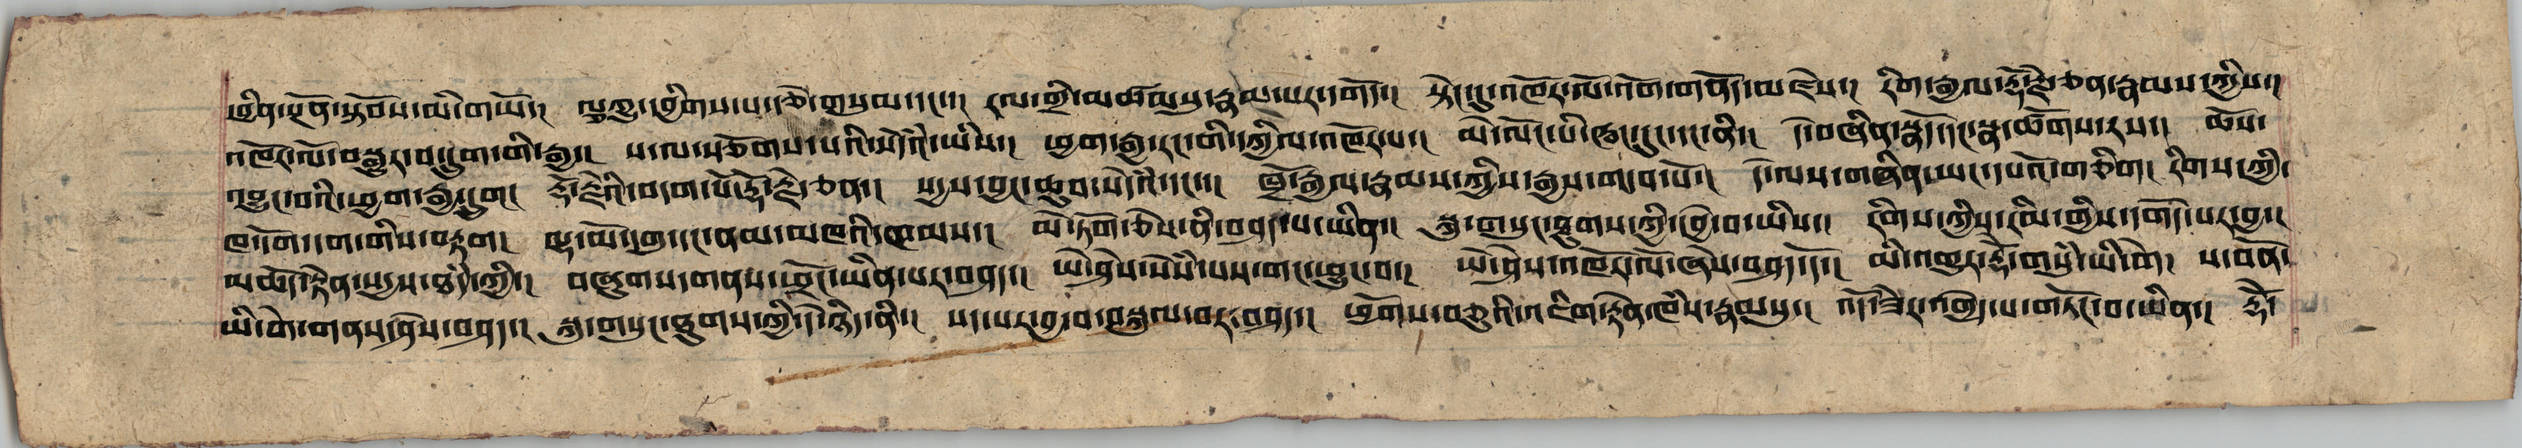་བྱིན་སྔོན་སྟོབས་མི་གཡོ་། ལྕཀྱུ་དབྱིགས་པ་རྩེ་གསུམ་དང་་། རལ་གྲི་མཚམསུ་རྣམ་པར་དགོད་། སྟེང་དུ་འཁོར་ལོ་འོག་གནོད་མཛེས་། རིག་རྒྱལ་རྡོ་རྗེ་ཅན་རྣམས་ཀྱིས་།
འཁོར་ལོ་བསྒྱུར་བ་དྲུག་གི་རྒྱ་། ས་ལ་སྩོགས་པའི་སེདཾའ་ཡིས་། ཕྱག་རྒྱ་རང་གི་དཀྱིལ་འཁོར་པ་། མེ་ལོང་པི་ཝང་དུང་དང་ནི་། དེ་བཞིན་སྣོད་དང་སྣ་ཚོགས་རས་། ཆོས་
འབྱུང་བའི་ཕྱག་རྒྱ་དྲུག། རྡོ་རྗེའི་བདག་པོ་རྡོ་རྗེ་ཅན་། སདྱས་བྱང་ཆུབ་སེདཾའ་དང་་། ཁྲོ་རྒྱལ་རྣམས་ཀྱིས་རྒྱས་གདབ་པོ་། དེ་ལས་གཞིན་ཡང་དཔའོ་གཅིག། རིགས་ཀྱི་
ཁ་དོག་དག་གིས་བརྟག། ལྷ་མོ་དགུ་དང་ནམ་མཁའི་ཁམས་། མེ་ཏོག་ཅེས་ནི་བཤད་པ་ཡིན་། སྐུ་གསུང་ཐུགས་ཀྱི་དབྱེ་བ་ཡིས་། རིགས་ཀྱིས་རིམ་གྱིས་དགོད་པར་བྱ་།
མཆོད་རྟེན་སདྱས་ཐཾད་ཀྱི་། བཞུགས་གནས་ཕྲོང་ཡིན་པར་བཤད་། ཡེ་ཤེས་སེཾས་པས་གང་ཕྱུང་བ་། ཡེ་ཤེས་འཁོར་ལོ་ཞེས་བཤད་དོ་། མི་འགྱུར་རྡོེ་གསུཾ་ཡི་གེ། ས་བོན་
ཡི་གེ་གནས་ཤེས་བཤད་། སྐུ་གསུང་ཐུགས་ཀྱི་དེ་ཉིད་ནི་། སད་པར་བྱ་བ་བསྐུལ་བར་བཤད་། ཕྱོགས་བཅུའི་འཇིག་རྟེན་ཁཾས་རྣམསུ་། འོད་ཟེར་འགྱེད་པ་གཏོང་བ་ཡིན་། རྡོེ་